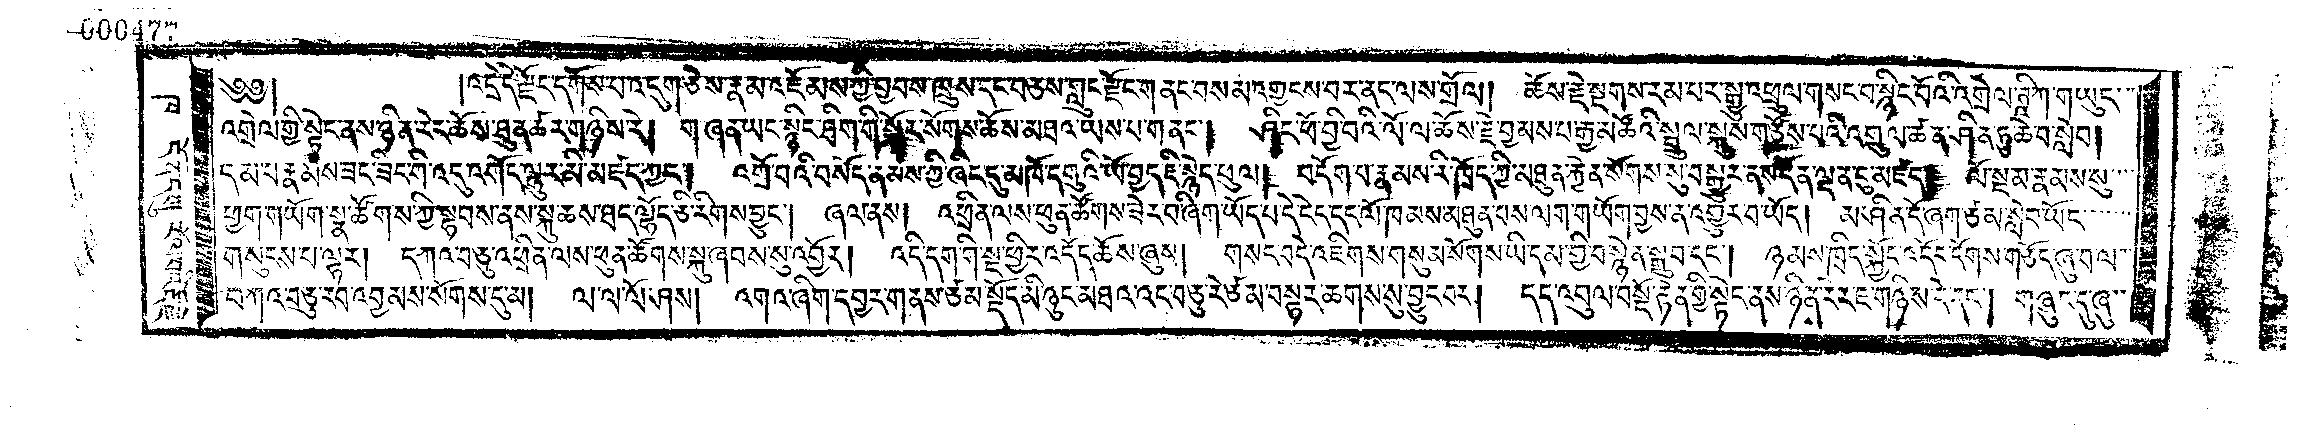༄༅། །འདྲེ་དེ་རྫོང་དགོས་པ་འདུག་ཅེས་རྣམ་འཇོམས་ཀྱི་བྱ་བས་ཁྲུས་དང་བཅས་གླུད་རྫོང་གནང་བས་མ་འགྱངས་པར་ནང་ལས་གྲོལ། ཆོས་རྗེ་སྔགས་རམ་པར་སྒྱུ་འཕྲུལ་གསང་བ་སྙིང་པོའི་འགྲེལ་ཊཱིཀ་གཡུང་
འགྲེལ་གྱི་སྟེང་ནས་ཉིན་རེར་ཆོས་ཐུན་ཚར་གཉིས་རེ། གཞན་ཡང་སྙིང་ཐིག་གི་སྐོར་སོགས་ཆོས་མཐའ་ཡས་པ་གནང་། ཤིང་ཕོ་བྱི་བའི་ལོ་ལ་ཆོས་རྗེ་བྱམས་པ་རྒྱ་མཚོའི་སྤྲུལ་སྐུས་གཙོས་པའི་འགྲུལ་ཚན་ཤིན་ཏུ་ཆེ་བ་སླེབ།
དམ་པ་རྣམས་ཟང་ཟིང་གི་འདུ་འགོད་ལྷུར་མི་མཛད་ཀྱང་། འགྲོ་བའི་བསོད་ནམས་ཀྱི་ཞིང་དུ་མཁོ་དགུའི་ཡོ་བྱད་ཇི་སྙེད་ཕུལ། བདོག་པ་རྣམས་རི་ཁྲོད་ཀྱི་མཐུན་རྐྱེན་སོགས་སུ་བསྒྱུར་ནས་དོན་ལྡན་དུ་མཛད། ལོ་སྔ་མ་རྣམས་སུ་
ཕྱག་གཡོག་སྣ་ཚོགས་ཀྱི་སྟབས་ནས་སྐུ་ཆས་ཐང་ལྷོད་ཅི་རིགས་བྱུང་། ཞལ་ནས། འཕྲིན་ལས་ཕུན་ཚོགས་ཟེར་བ་ཞིག་ཡོད་པ་དེ་ངེད་དང་ལོ་ཁམས་མཐུན་བས་ལག་གཡོག་བྱས་ན་འགྱུར་བ་ཡོད། མ་ཤིན་དོ་ཞག་ཙམ་སླེབ་ཡོང་
གསུངས་པ་ལྟར། དཀའ་བཅུ་འཕྲིན་ལས་ཕུན་ཚོགས་སྐུ་ཞབས་སུ་འབྱོར། འདི་དག་གི་སྔ་ཕྱིར་འདོད་ཆོས་ཞུས། གསང་བདེ་འཇིགས་གསུམ་སོགས་ཡི་དམ་གྱི་བསྙེན་སྒྲུབ་དང་། ཉམས་ཁྲིད་སྐྱོང་འདོད་དོགས་གཅོད་ཞུ་བ་ལ་
བཀའ་བཅུ་རབ་འབྱམས་སོགས་དུ་མ། ལ་ལ་ལོ་ཤས། འགའ་ཞིག་དབྱར་གནས་ཙམ་སྡོད་མི་ཉུང་མཐའ་འང་བཅུ་རེ་ཙམ་བསྟར་ཆགས་སུ་བྱུང་བར། དད་འབུལ་བསྔོ་རྟེན་གྱི་སྟེང་ནས་ཉིན་རེར་ཇ་གཉིས་རེ་དང་། གཞུང་དུ་ཞུ་